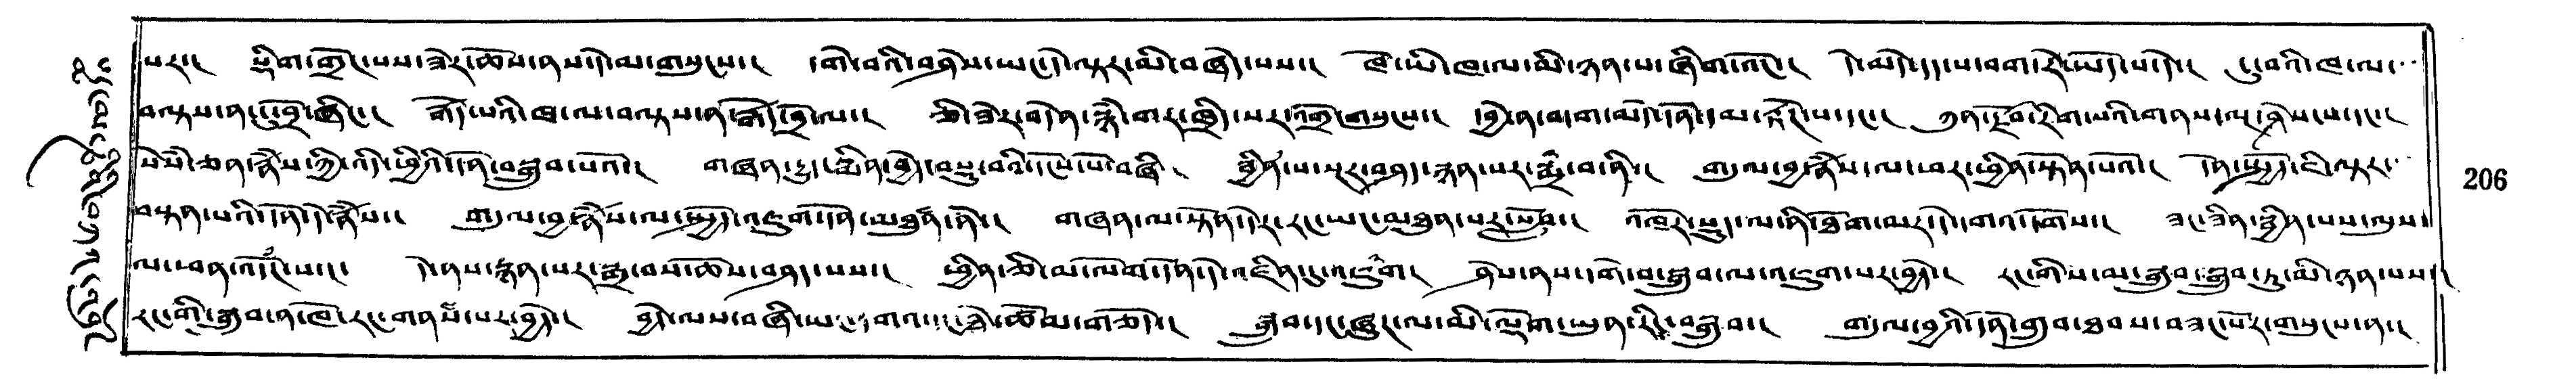པར། །སྡིག་གྲོགས་པས་ཟེར་ཆོས་ནས་དེ་མ་གསུངས། །དགེ་བའི་བཤེས་ཀྱང་དེ་ལྟར་མི་བཞེད་པས།ཁོ་ཡི་ཁ་ལ་མི་ཉན་པ་ཞིག་འོང་། །དེ་མེད་དད་པ་བག་རེ་ཡོད་པ་དེ། །ངུ་བའི་ཁ་ལ་
བལྟས་ན་ངུ་བྲོ་ཞིང་། །རྒོད་པའི་ཁ་ལ་བལྟས་ན་རྒོད་བྲོ་ལ། །ཅི་ཟེར་བདེན་སྙམ་གར་ཁྲིད་སར་འགྲོ་གསུངས། །དབྱེ་ན་བདག་མེད་དོན་དམ་རྟོགས་པ་དང་། །ཀུན་རྫོབ་རིག་པའི་གནས་ལྔ་ཤེས་པ་དང་། །
སེམས་ཅན་རྣམས་ཀྱི་འདི་ཕྱིའི་དོན་བསྒྲུབ་པའོ། །གཞན་རྒྱུད་སྨིན་བྱེད་བསྡུ་བའི་དངོས་པོ་བཞི། །སྦྱིན་པ་སྔར་བཤད་སྙན་པར་སྨྲ་བ་ནི། །གདུལ་བྱ་རྣམས་ལ་ཕར་ཕྱིན་སྟོན་པའོ། །དོན་སྤྱོད་ཇི་ལྟར་
བསྟན་པའི་དོན་དེ་རྣམས། །གདུལ་བྱ་རྣམས་ལ་སྤྱོད་འཇུག་དོན་མཐུན་ནོ། །གཞན་ལ་སྟོན་དེར་རང་ཡང་མཐུན་པར་སློབ། །འཁོར་སྡུད་ལ་ནི་ཐོག་མར་དེ་དག་དགོས། །ཟང་ཟིང་སྦྱིན་པས་ལུས་
ལ་ཕན་འདོགས་པ། །དེ་ནས་སྙན་པར་སྨྲ་བས་ཆོས་བཤད་པས། །ཕྱིན་ཅི་མ་ལོག་དོན་དེ་འཛིན་དུ་འཇུག །ཤེས་ནས་དགེ་བ་སྒྲུབ་ལ་འཇུག་པར་བྱེད། །རང་གིས་མ་བསྒྲུབས་སྒྲུབ་ཏུ་མི་ཉན་པས། །
རང་གི་སྒྲུབ་ན་ཁོ་རང་གནས་པར་བྱེད། །བྱེད་ལས་བཞི་ཡང་དགའ་དང་ཐེ་ཚོམ་གཅོད། །སྒྲུབ་དང་ཞུགས་ལ་མི་ལྡོག་ཡུན་རིང་བསྒྲུབ། །གདུལ་བྱའི་དོན་གྲུབ་ཐབས་བཟང་པོར་གསུངས་ན།